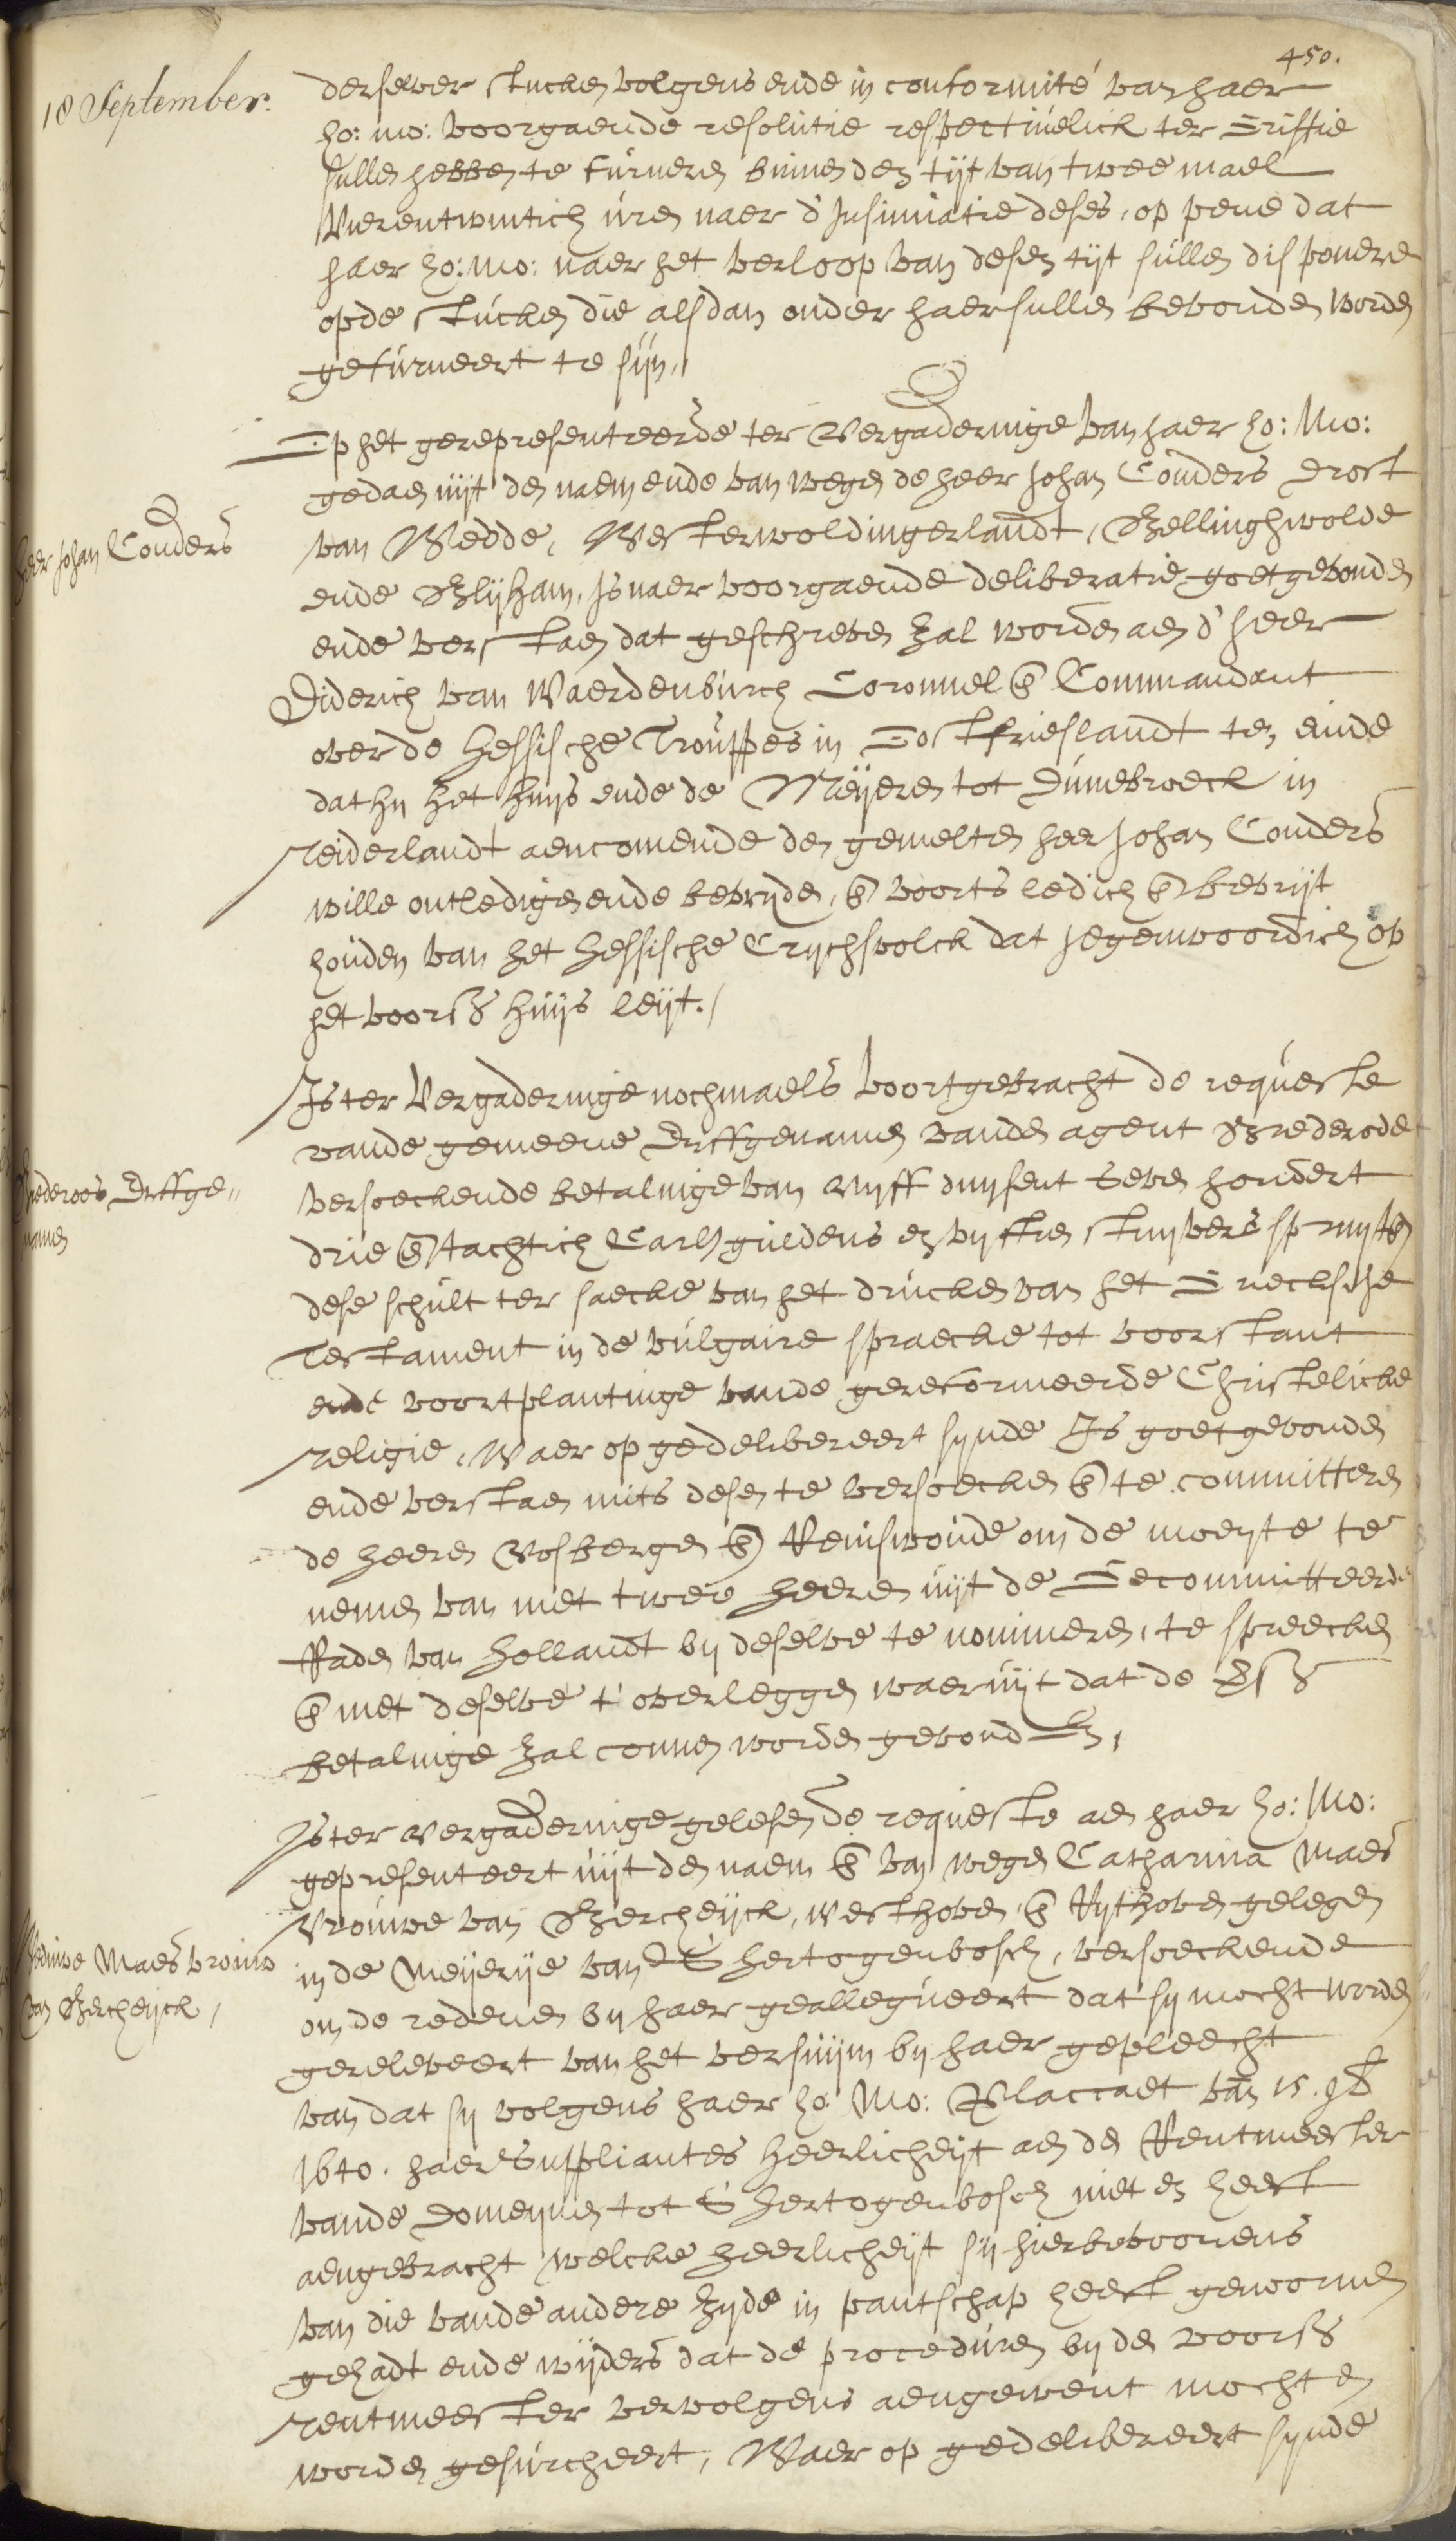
450.
18 September.
derselver stucken volgens ende in conformité van haer
ho:mo: voorgaende resolutie respectiuelick ter Griffie
sullen hebben te furneren binnen den tijt van twee mael
Vierentwintich uren naer d'Insinuatie deses, op pene dat
haer ho:Mo: naer het verloop van desen tijt sullen disponeren
opde stucken die alsdan onder haer sullen bevonden worden
gefurneert te sijn.
heer Johan Conders
Op het gerepresenteerde ter Vergaderinge van haer ho:Mo:
gedaen uijt den naem ende van wegen de heer Johan Conders drost
van Wedde, Westerwoldingerlandt, Bellinghwolde
ende Blijham, Is naer voorgaende deliberatie goetgevonden
ende verstaen dat geschreven zal worden aen d'heer
Diderich van Waerdenburch Coronnel & Commandant
over de hessische Trouppes in Oostfrieslandt ten einde
dat hy het huys ende de Meijeren tot Dumebroeck in
Reiderlandt aencomende den gemelten heer Johan Conders
wille ontledigen ende bevryden, & voorts ledich & bevrijt
houden van het hessische Crychsvolck dat jegenwoordich op
het voors huijs leijt.
Brederoos Erffge„
namen
Is ter Vergaderinge nochmaels voortgebracht de requeste
vande gemeene Erffgenamen vanden agent Brederode
versoeckende betalinge van vyff duysent seven hondert
drie & tachtich Carl guldens en vyftien stuyvers spruyten
dese schult ter saecke van het drucken van het Griecksche
Testament in de vulgaire spraecke tot voorstant
ende voortplantinge vande gereformeerde Christelicke
religie. Waer op gedelibereert synde Is goetgevonden
ende verstaen mits desen te versoecken & te committeren
de heeren Vosbergen & Reinswoude om de moeyte te
nemen van met twee heeren uijt de Gecommitteerde
Raden van Hollandt by deselve te nomineren, te spreecken
& met deselve t‛overleggen waeruijt dat de vs
betalinge zal connen worden gevonden.
Weduwe Maes vrouw
van Bercheijck.
Is ter vergaderinge gelesen de requeste aen haer ho:Mo:
gepresenteert uijt den naem & van wegen Catharina maes
Vrouwe van Bercheijck, Westhoven, & Rijthoven gelegen
in de meijerije van S‛hertogenbosch, versoeckende
om de redenen by haer geallegueert dat sy mocht worden
gereleveert van het versuijm by haer gepleecht
van dat sy volgens haer ho:Mo: Placcaet van 15. 9b
1640. haer Suppliantes heerlicheijt aen den Rentmeester
vande Domeynen tot S‛hertogenbosch niet en heeft
aengebracht welcke heerlicheijt sij hierbevoorens
van die vande andere zyde in pantschap heeft genoomen
gehadt ende wijders dat de proceduren by den voors
rentmeester vervolgens aengewent mochten
worden gesurcheert; Waer op gedelibereert synde,
